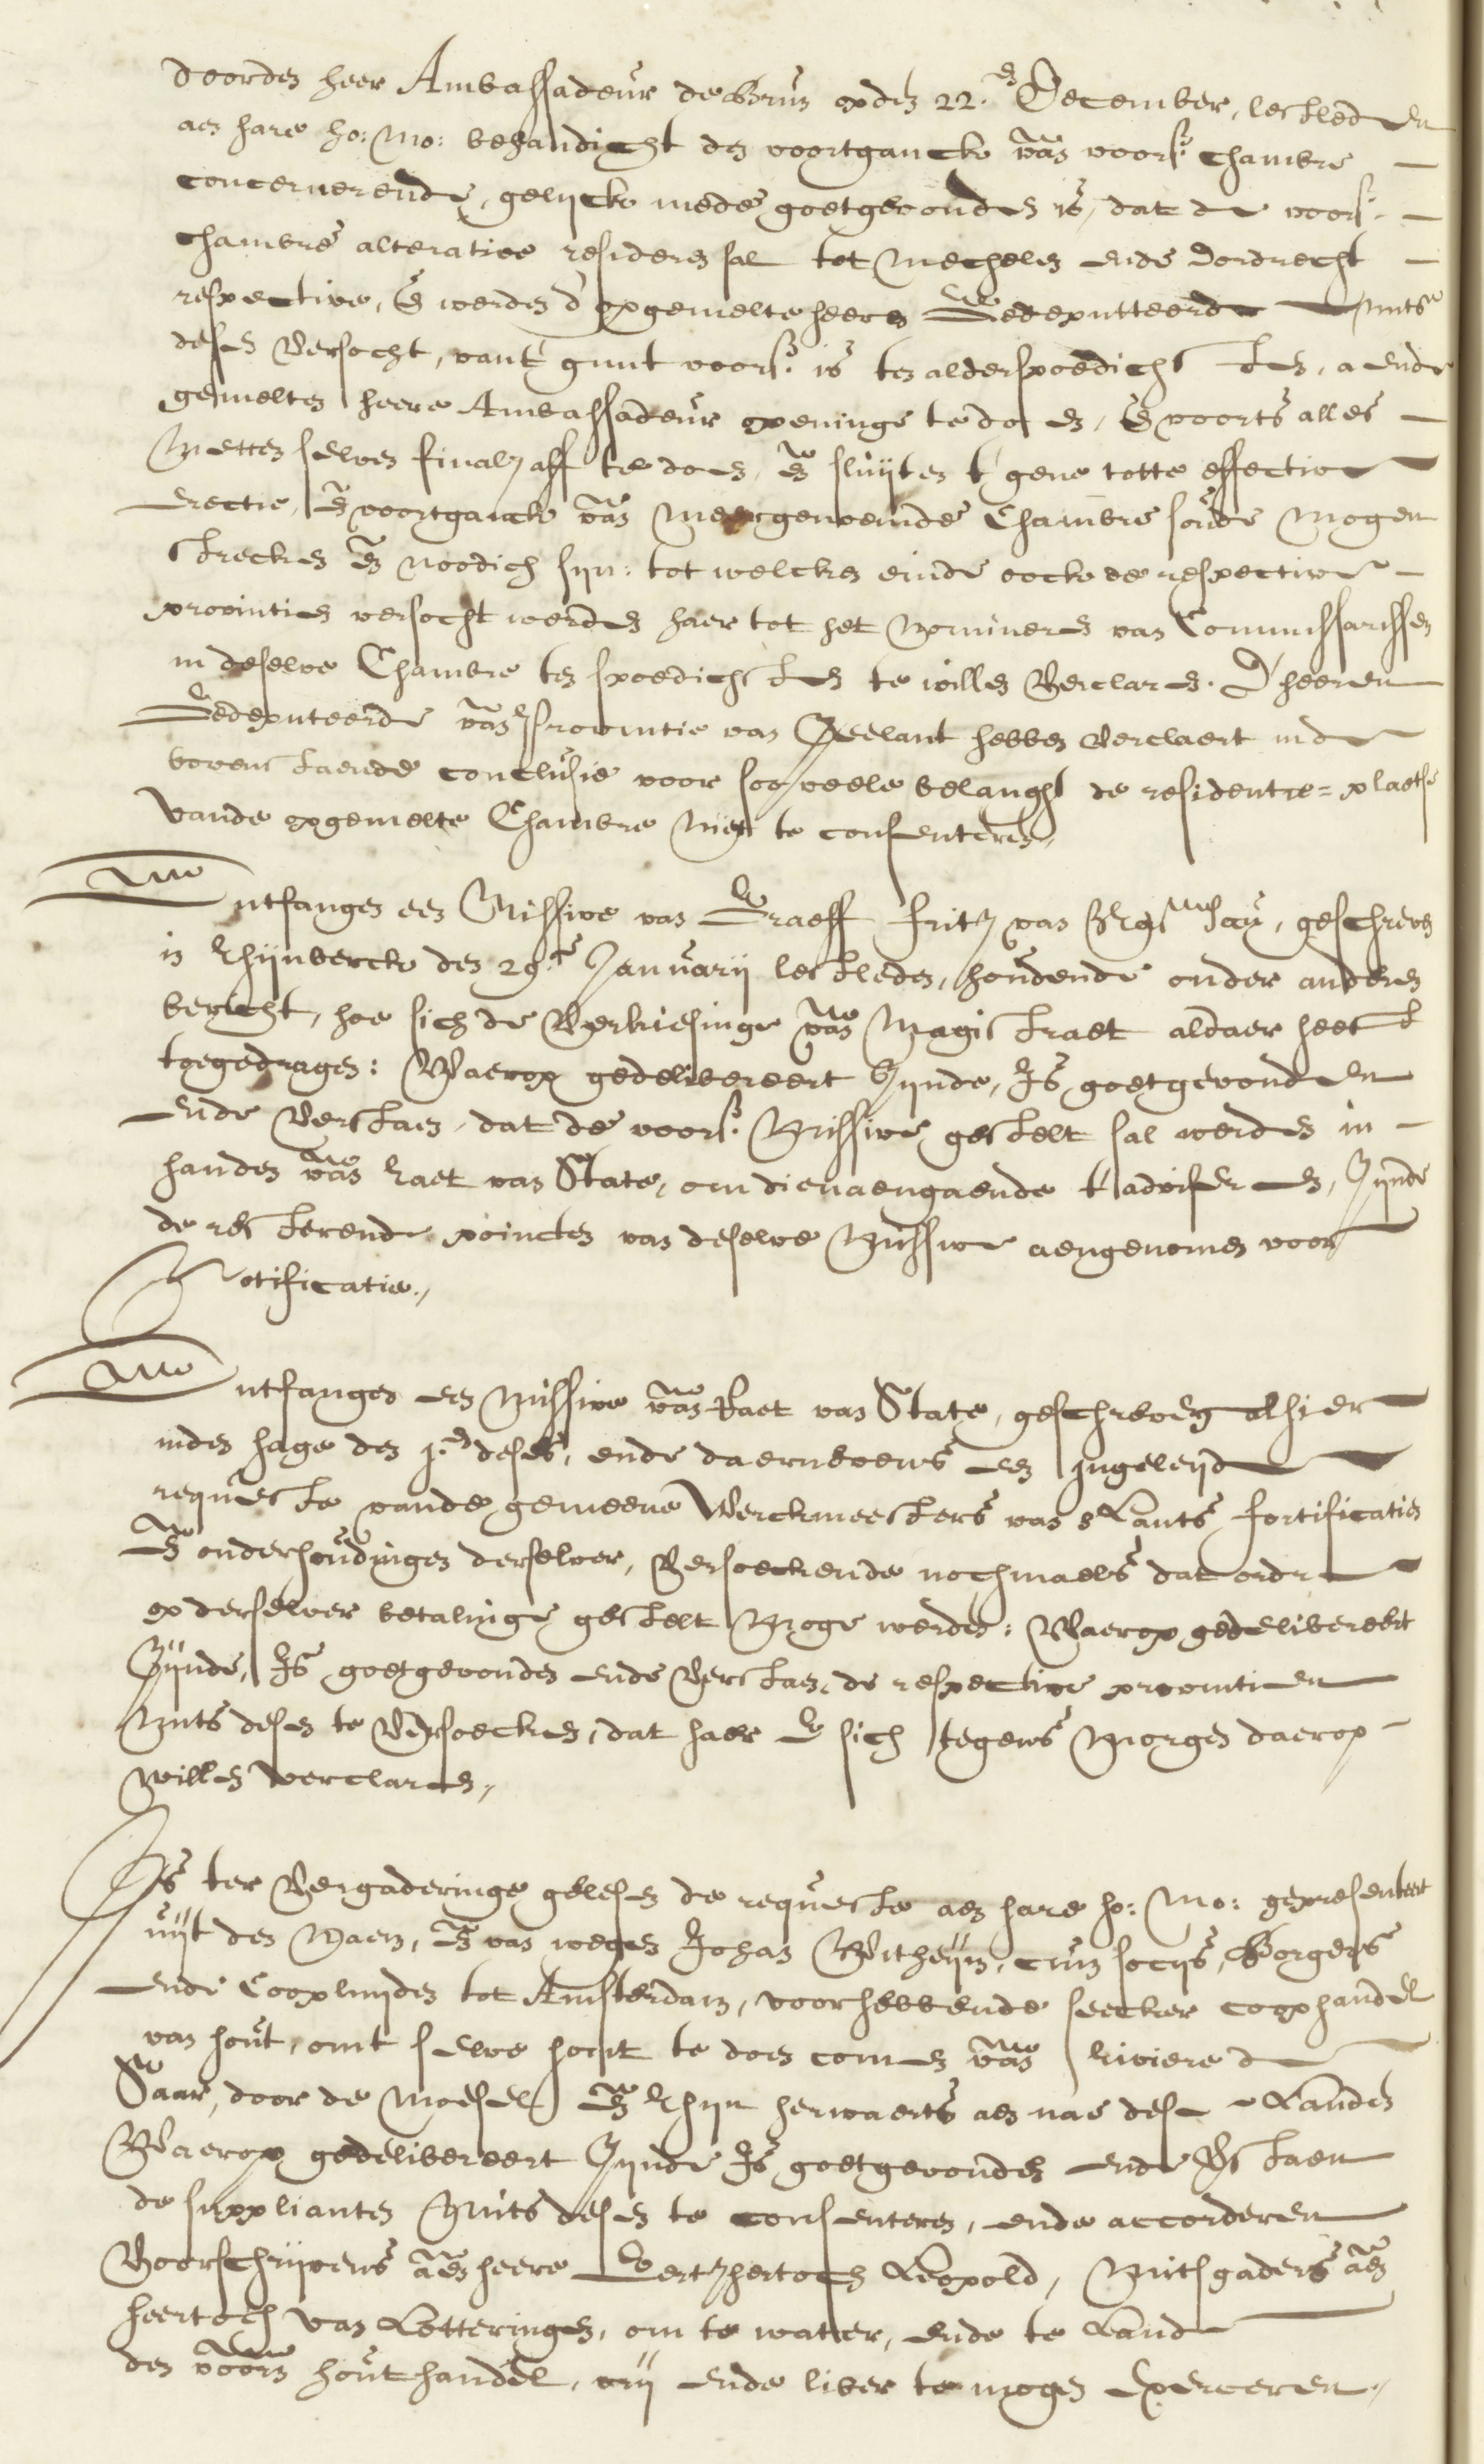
door den heer Ambassadeur de Brun opden 22en. December, lestleden
aen hare ho:Mo: behandicht den voortganck van voors chambre
concernerende, gelyck mede goetgevonden is, dat de voors
chambre alterative resideren sal tot Mechelen ende Dordrecht
respective, & werden d'opgemelte heeren Gedeputteerde mits
desen versocht, vant‛ gunt voors. is ten alderspoedichsten, aende
gemelten heere Ambassadeur openinge te doen, & voorts alles
metten selven final aff te doen, en sluijten t‛gene totte effective
Erectie, & voortganck van meergenoemde Chambre soude mogen
strecken en noodich syn: tot welcken einde oock de respective
provintien versocht werden haer tot het nomineren van Commissarissen
in deselve Chambre ten spoedichsten te willen Verclaren. D‛heeren
Gedeputeerde van Provintie van Zeelant hebben verclaert inde
bovenstaende conclusie voor soo veele belanght de residentie=plaets
vande opgemelte Chambre niet te consenteren.
Ontfangen een Missive van Graeff Fritz van Nassau, geschreven
in Rhijnberck den 29en. Januarij lestleden, houdende onder anderen
bericht, hoe sich de Verkiesinge van Magistraet aldaer heeft
toegedragen: Waerop gedelibereert Zynde, Is goetgevonden
ende Verstaen, dat de voors. Missive gestelt sal worden in —
handen van Raet van State, om dienaengaende t'adviseren, Zynde
de resterende poincten van deselve Missive aengenomen voor
Notificatie.
Ontfangen een missive van Raet van State, geschreven alhier
inden hage den 1en. deses, ende daernevens een ingeleyde
requeste vande gemeene Werckmeesters van sLants fortificatien
& onderhoudingen derselver, Versoeckende nochmaels dat ordre
op derselver betalinge gestelt moge werden: Waerop gedelibereert
Zijnde, Is goetgevonden ende Verstaen, de respective provintien
mits desen te Versoecken, dat haer E sich tegens morgen daerop
willen verclaren.
Is ter Vergaderinge gelesen de requeste aen hare ho:Mo: gepresenteert
uijt den Naem, en van wegen Johan Witheijm, cum socys Borgers
ende Coopluyden tot Amsterdam, voor hebbende seecker coophandel
van hout, omt selve hout te doen comen van riviere de
Saar, door de Moesel en Rhijn herwaerts aen nae dese Landen
Waerop gedelibereert Zynde Is goetgevonden ende vstaen
de supplianten Mits desen te consenteren, ende accorderen
Voorschrijvens aen heere Eertzhertoch Leopold, Mitsgaders aen
heertoch van Lotteringen, om te water, ende te Lande
den voorn houthandel, vrij ende liber te mogen Exerceren.
